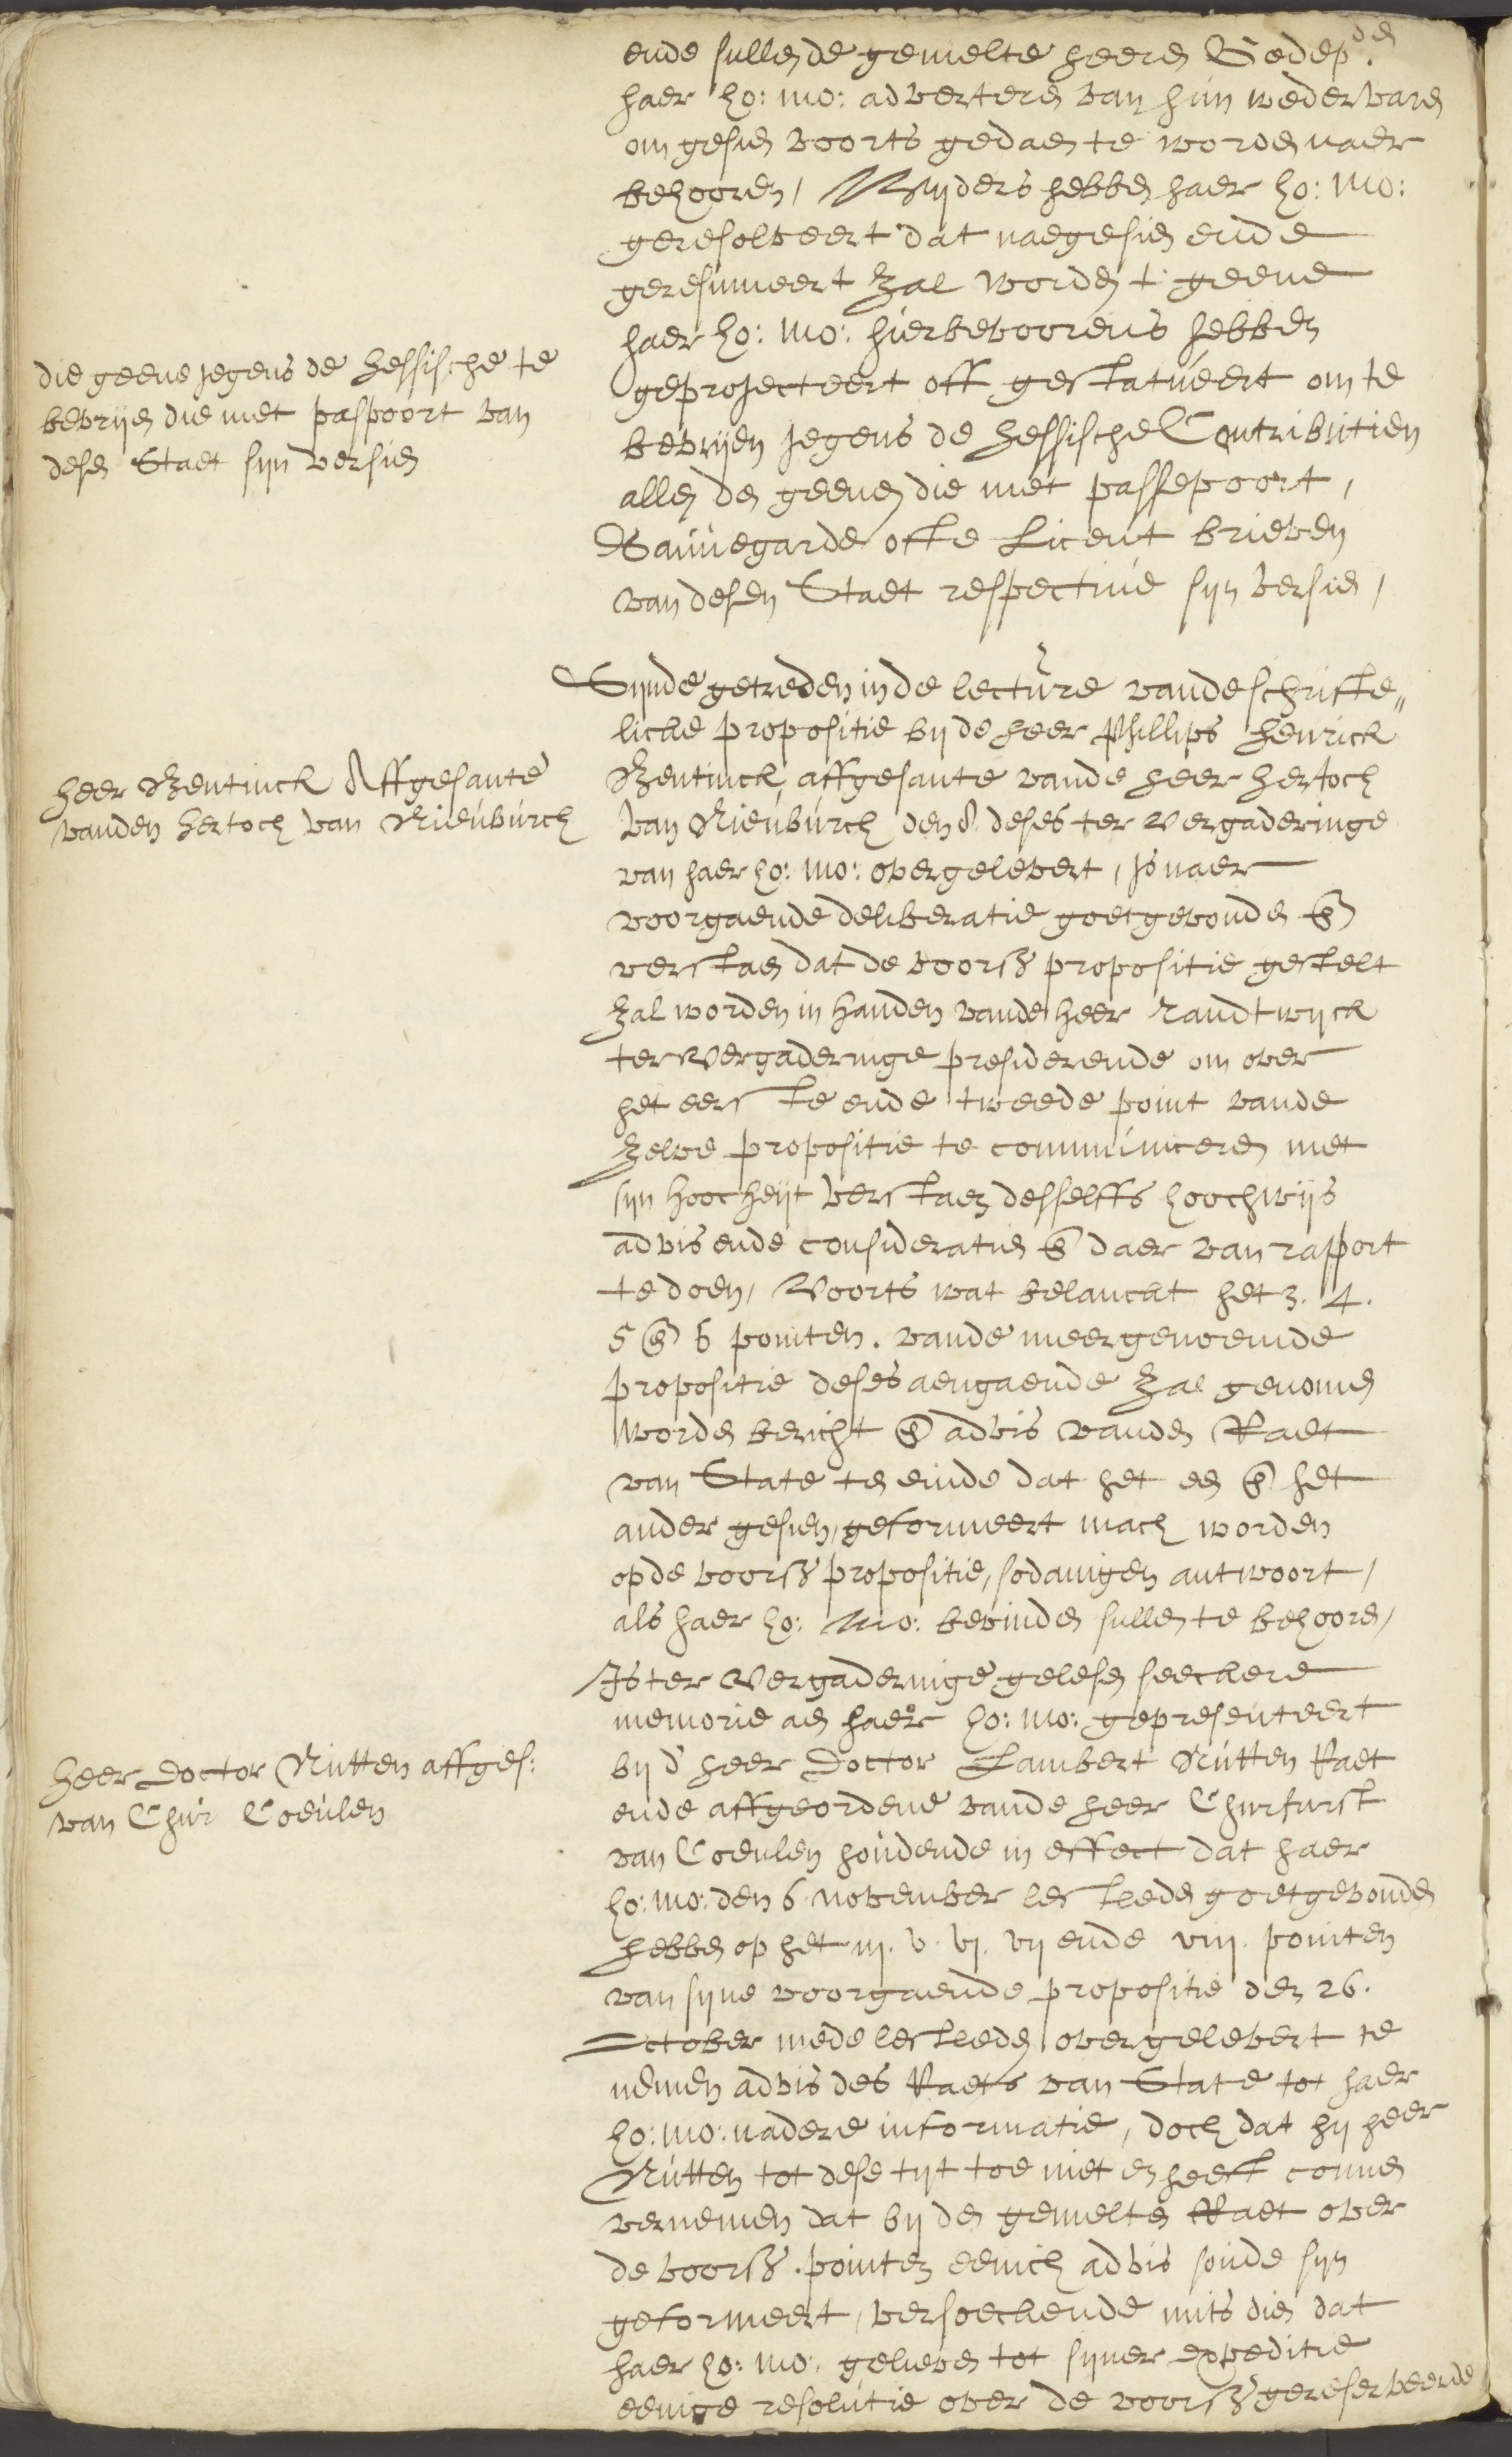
die geene jegens de hessische te
bevrijen die met paspoort van
desen Staet syn versien
ende sullen de gemelte heeren Gedepden.
haer ho:mo: adverteren van hun wedervaren
om gesien voorts gedaen te worden naer
behooren. Wyders hebben haer ho:Mo:
geresolveert dat naegesien ende
geresumeert zal worden t'geene
haer ho:Mo: hierbevoorens hebben
geprojecteert off gestatueert om te
bevrijen jegens de hessische Contributien
allen den geenen die met passepoort,
Sauuegarde ofte Licent brieven
van desen Staet respectiue syn versien.
heer Bentinck Affgesante
vanden hertoch van Nieuburch
Synde getreden in de lecture vande schrifte,,
licke propositie by de heer Phillips Henrick
Bentinck affgesante vande heer hertoch
van Nieuburch den 8. deses ter Vergaderinge
van haer ho:mo: overgelevert, is naer
voorgaende deliberatie goetgevonden &
verstaen dat de voors propositie gestelt
zal worden in handen vande heer randtwyck
ter Vergaderinge presiderende om over
het eerste ende tweede point vande
zelve propositie te communiceren met
syn hoocheijt verstaen desselffs hoochwijs
advis ende consideratien & daer van rapport
te doen. Voorts wat belanckt het 3. 4.
5 & 6 pointen, vande meergenoemde
propositie deses aengaende zal genomen
worden bericht & advis vanden Raet
van State ten einde dat het een & het
ander gesien, geformeert mach worden
op de voors propositie, sodanigen antwoort,
als haer ho:Mo: bevinden sullen te behooren.
heer Doctor Nutten affges:
van Chur Coeulen
Is ter Vergaderinge gelesen seeckere
memorie aen haer ho:Mo: gepresenteert
bij d'heer Doctor Lambert Nutten Raet
ende affgeordene vande heer Churfurst
van Coeulen houdende in effect dat haer
ho:mo: den 6. november lestleden goetgevonden
hebben op het iij. v. vj. vij ende viij. pointen
van syne voorgaende propositie den 26.
October mede lestleden, overgelevert te
nemen advis des Raets van State tot haer
ho:mo: nadere informatie, doch dat hij heer
Nutten tot dese tyt toe niet en heeft connen
vernemen dat by den gemelten Raet over
de voors. pointen eenich advis soude syn
geformeert, versoeckende mits dien dat
haer ho:mo: gelieven tot syner expeditie
eenige resolutie over de voors gereserveerde
